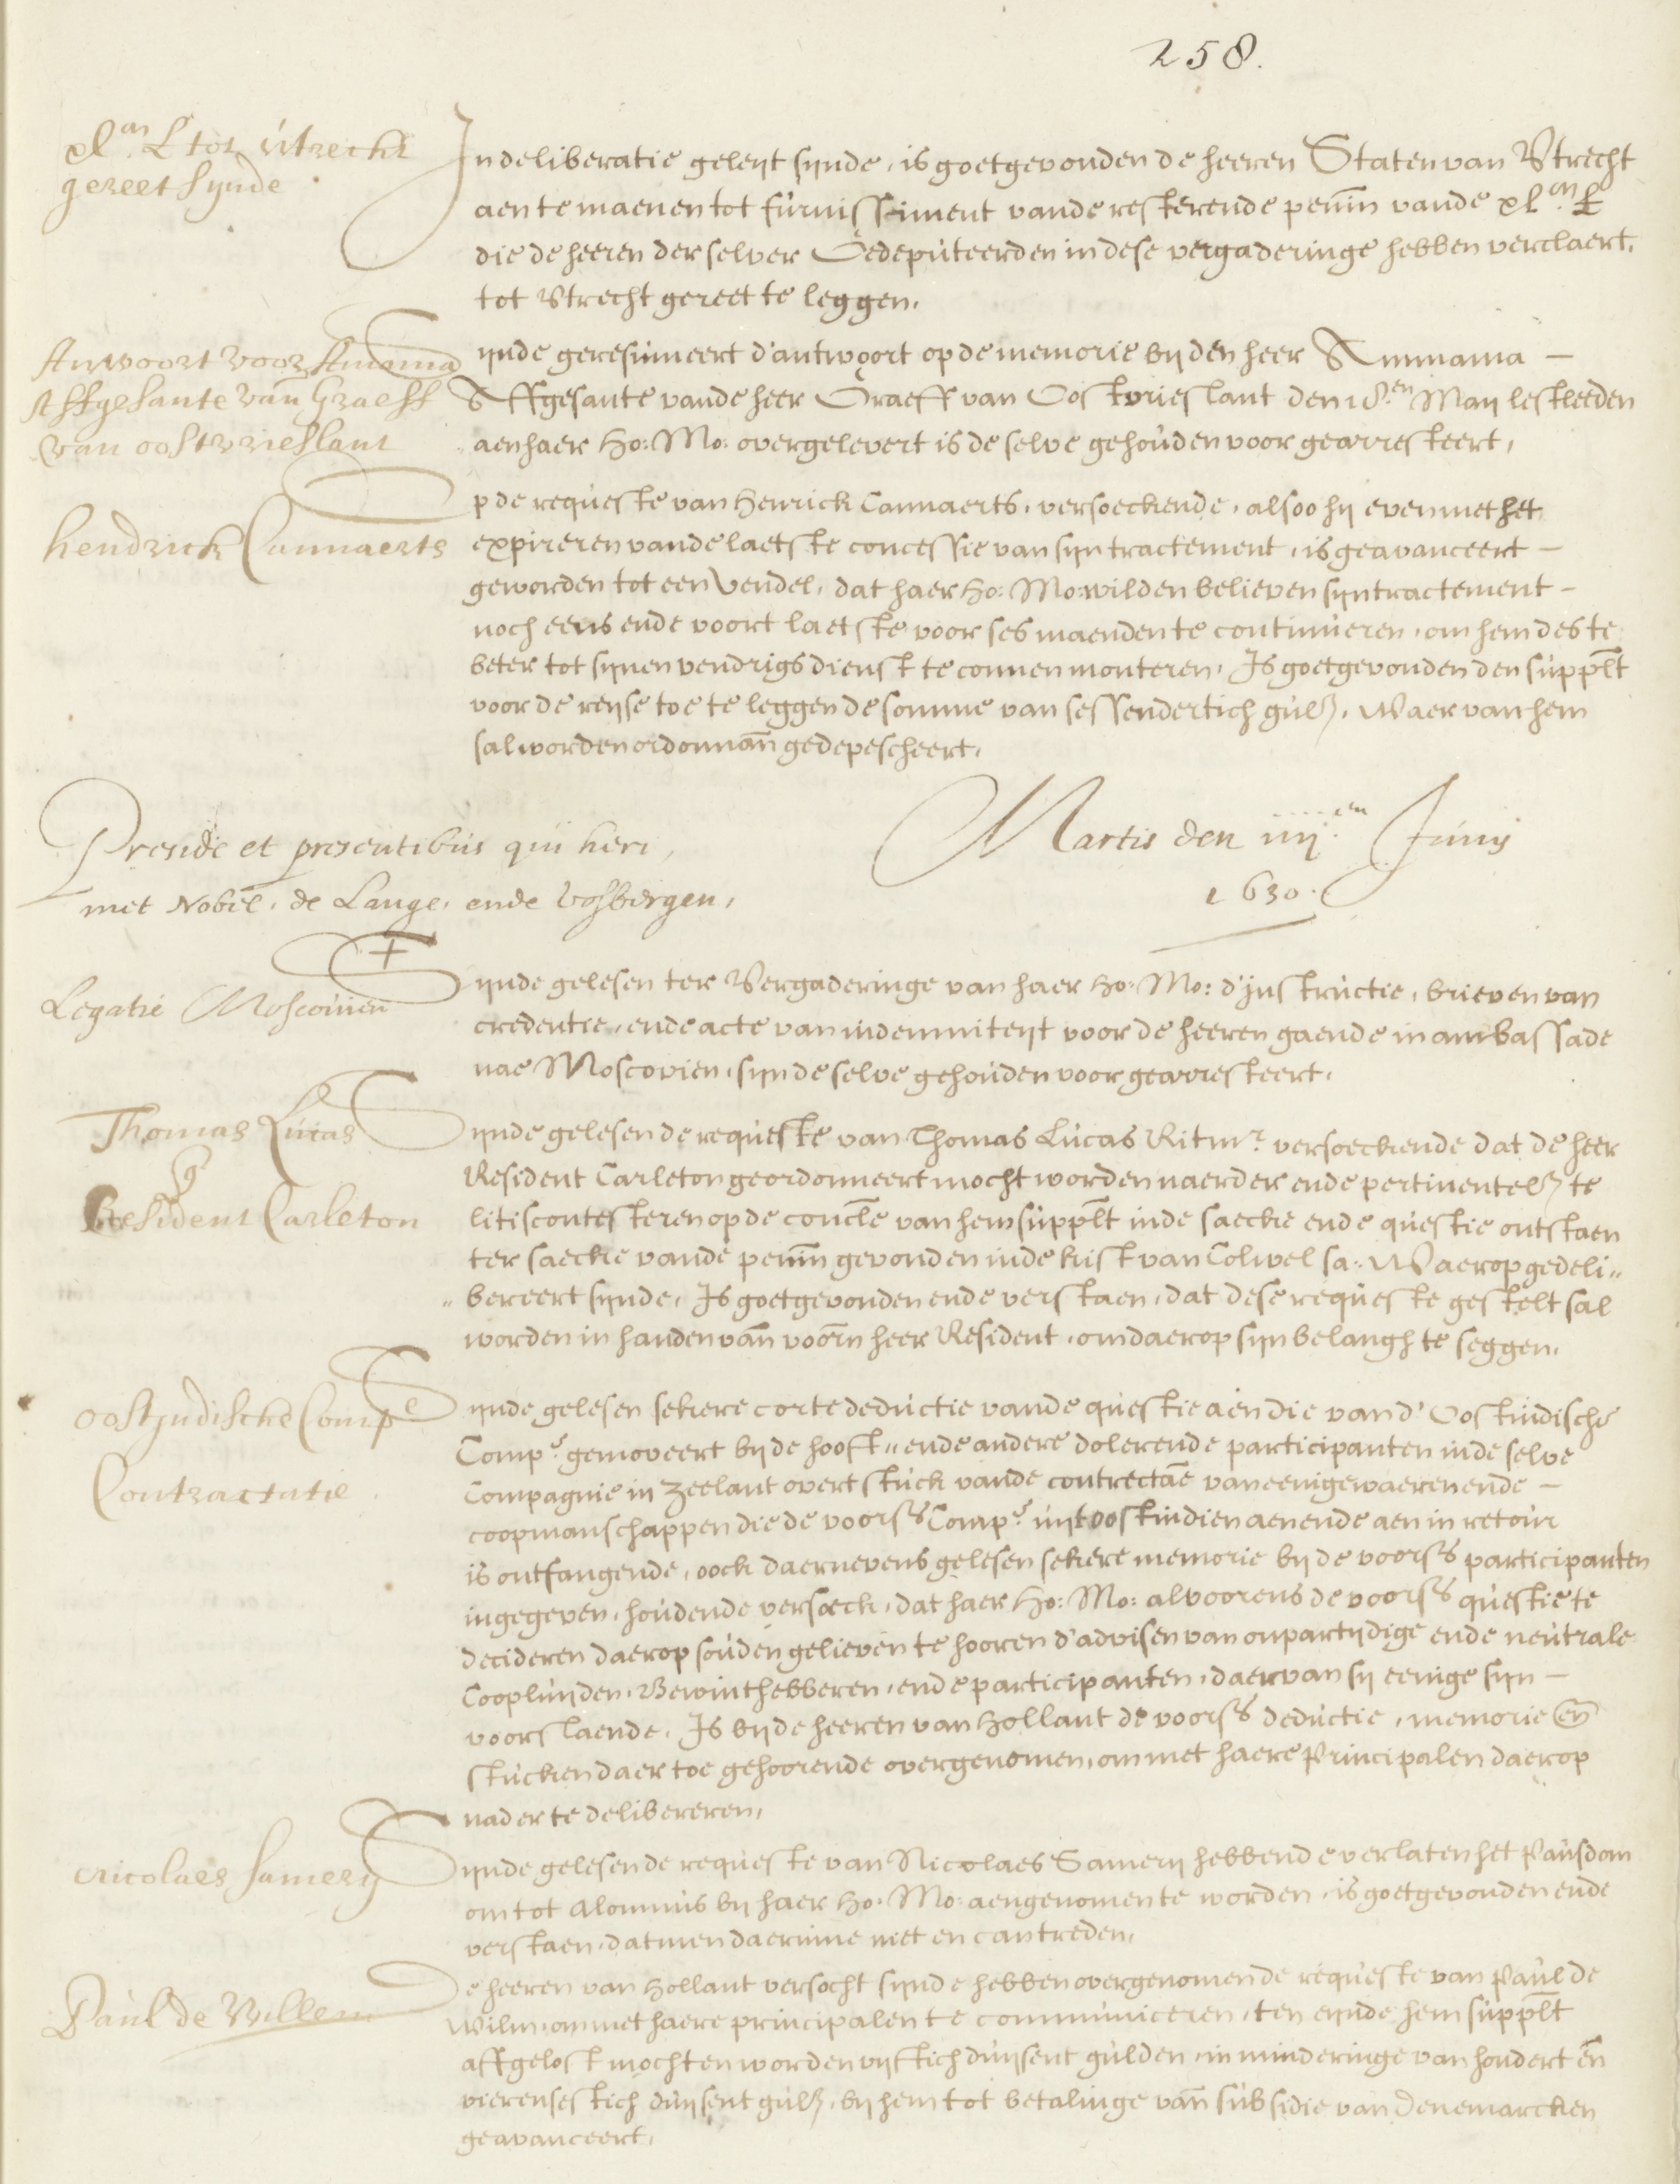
258.
xlm L tot Utrecht
gereet synde
In deliberatie geleyt synde, is goetgevonden de heeren Staten van Utrecht
aen te maenen tot furnissiment vande resterende penin vande xlm L
die de heeren der selver Gedeputeerden in dese vergaderinge hebben verclaert,
tot Utrecht gereet te leggen.
Anwoort voor Amama
Affgesante van Graeff
van oostvrieslant
Synde geresumeert d'antwoort opde memorie by den heer Ammama —
Affgesante vande heer Graeff van Oostvrieslant den 18en. May lestleeden
aen haer Ho:Mo: overgelevert is de selve gehouden voor gearresteert.
hendrick Cannaerts
Opde requeste van Henrick Cannaerts, versoeckende, alsoo hy even met het
expireren vande laetste concessie van syn tractement, is geavanceert —
geworden tot een vendel, dat haer Ho:Mo: wilden believen syn tractement —
noch eens ende voort laetste voor ses maenden te continueren, om hem des te
beter tot synen vendrigs dienst te connen monteren. Is goetgevonden den supplt
voor de reyse toe te leggen de somme van sessendertich gul. Waer van hem
sal worden ordonnan gedepescheert.
Martis den iiijen. Juny
1630.
Preside et presentibus qui heri
met Nobel, de Lange, ende Vosbergen.
Legatie Moscouien
Synde gelesen ter Vergaderinge van haer Ho:Mo: d'instructie, brieven van
credentie, ende acte van indemniteyt voor de heeren gaende in ambassade
nae Moscovien, syn de selve gehouden voor gearresteert.
Thomas Lucas
ca
Resident Carleton
Synde gelesen de requeste van Thomas Lucas Ritmr. versoeckende dat de heer
Resident Carleton geordonneert mocht worden naerder ende pertinentel te
litiscontesteren op de concle van hem supplt inde saecke ende questie ontstaen
ter saecke vande penin gevonden inde kist van Colwel sa: Waerop gedeli„
„bereert synde, Is goetgevonden ende verstaen, dat dese requeste gestelt sal
worden in handen van voorn heer Resident, om daerop syn belangh te seggen.
Oostindische Compe
Contractatie
Synde gelesen sekere corte deductie vande questie aen die vand' Oostindische
Compe. gemoveert bij de hooft,, ende andere dolerende participanten in de selve
Compagnie in Zeelant overt stuck vande contrectae van eenige waeren ende —
coopmanschappen die de voors Compe. uyt oostindien aen ende aen in retour
is ontfangende, oock daernevens gelesen sekere memorie by de voors participanten
ingegeven, houdende versoeck, dat haer Ho:Mo: alvoorens de voors questie te
decideren daerop souden gelieven te hooren d'advisen van onpartydige ende neutrale
Coopluyden, Bewinthebberen, ende participanten, daervan sy eenige syn —
voorslaende. Is byde heeren van Hollant de voors deductie, memorie en
stucken daer toe gehoorende overgenomen, om met haere principalen daerop
nader te delibereren,
nicolaes Samery
Synde gelesen de requeste van Nicolaes Samery hebbende verlaten het Pausdom
om tot Alomnus by haer Ho:Mo: aengenomen te worden, is goetgevonden ende
verstaen, datmen daerinne niet en can treden.
Paul de Willem
De heeren van Hollant versocht synde hebben overgenomen de requeste van Paul de
Wilm, om met haere principalen te communiceren, ten eynde hem supplt
affgelost mochten worden vyftich duysent gulden, in minderinge van hondert en
vierensestich duysent gul, by hem tot betalinge van subsidie van Denemarcken
geavanceert.
